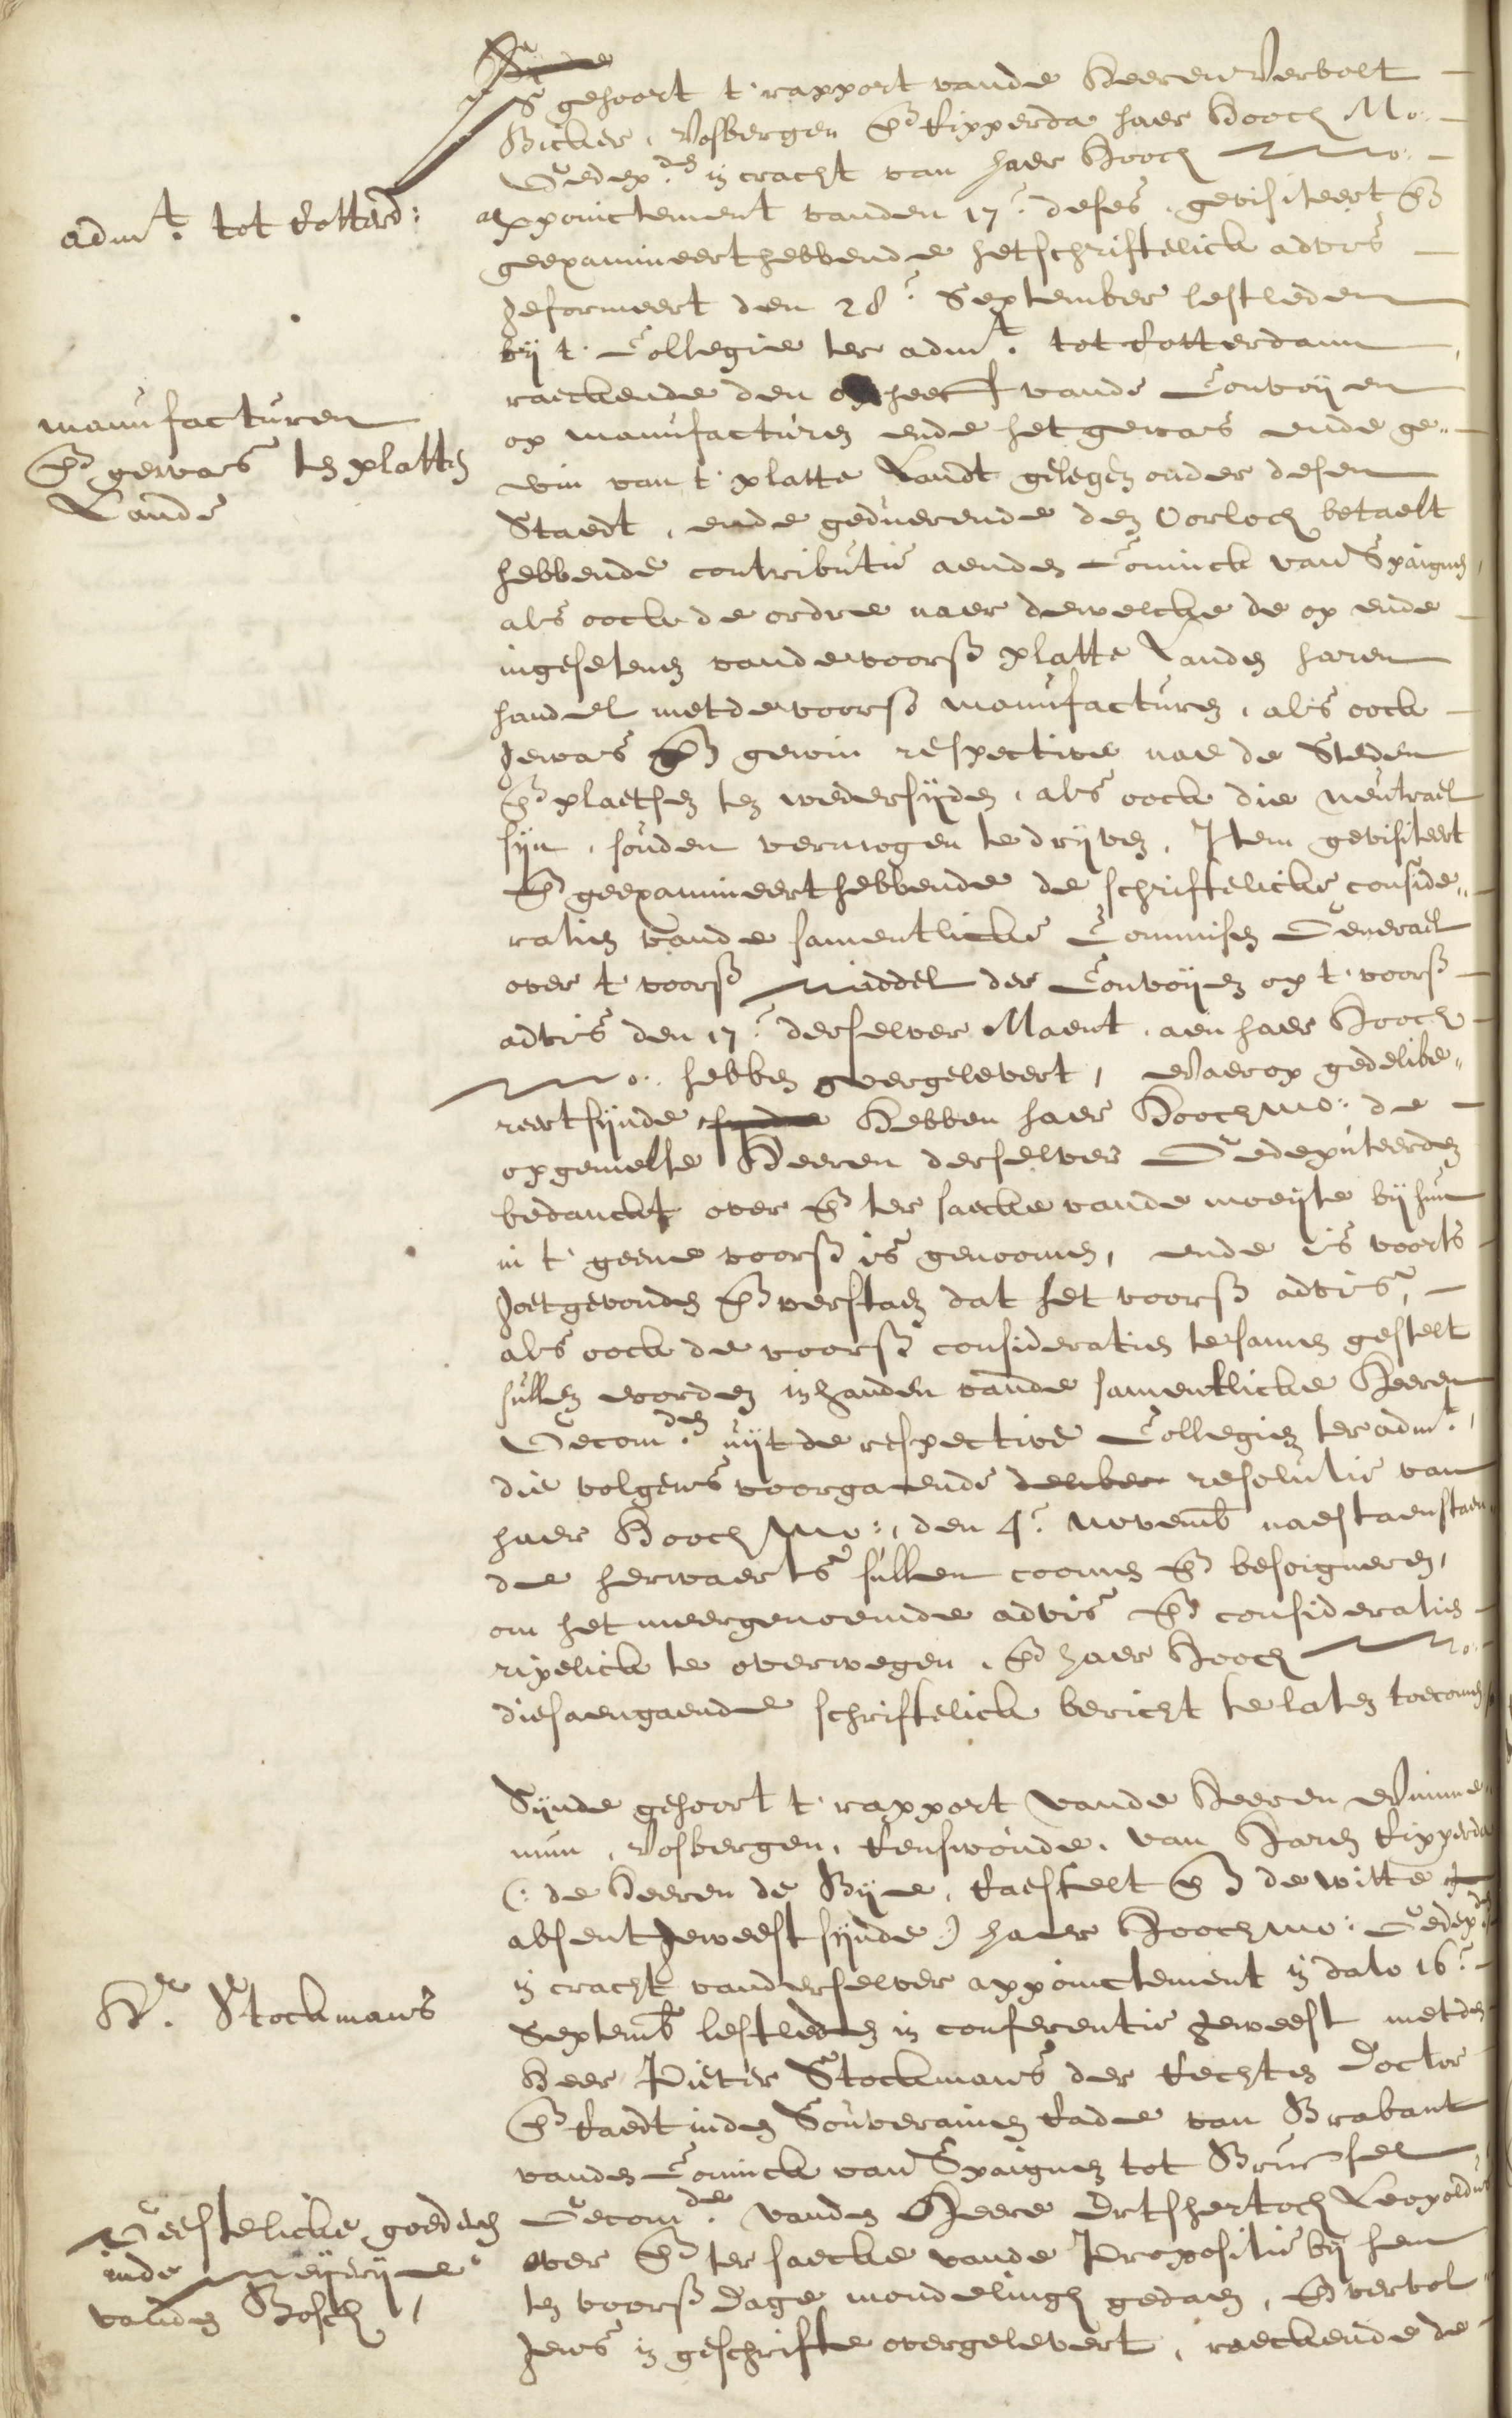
Admt. tot Rotterd:
manufacturen
& gewas ten platten
Lande
Sijnde
Is gehoort t' rapport vande Heeren Verbolt
Bicker, Vosbergen & Ripperda haer Hooch Mo:-
Gedepden. in cracht van haer Hooch Mo: -
appoinctement vanden 17e. deses, gevisiteert &
geexamineert hebbende het schriftelick advis
geformeert den 28e. September lestleden
bij t'Collegie ter admt. tot Rotterdam
raeckende den opheeff vande Convoijen
op manufacturen ende het gewas ende ge„,
win van t' platte Landt gelegen onder desen
Staedt, ende geduerende den Oorloch betaelt
hebbende contributie aenden Coninck van Spaignen,
als oock de ordre naer dewelcke de op ende
ingesetenen vande voors platte Landen haren
handel met de voors manufacturen, als oock
gewas & gewin respective nae de Steden
& plaetsen ten wedersijden, als oock die neutrael
sijn, souden vermogen te drijven. Item gevisiteert
& geexamineert hebbende de schriftelicke conside„
ratien vande samentlicke Commisen Generael
over t' voors Middel der Convoijen op t' voors
advis den 17e. derselver Maent, aen haer Hooch
Mo: hebben overgelevert. Waerop gedelibe„
reert sijnde sijnde Hebben haer HoochMo: de
opgemelte Heeren derselver Gedeputeerden
bedanckt over & ter saecke vande moeijte bij hun
in t‛ geene voors is genoomen, ende is voorts
goetgevonden & verstaen dat het voors advis,
als oock de voors consideratien tesamen gestelt
sullen worden in handen vande samentlicke Heeren
Gecomden. uijt de respective Collegien ter admt.,
die volgens voorgaende deliber resolutie van
haer HoochMo:, den 4e. novemb naestaenstaen„
de herwaerts sullen coomen & besoigneren,
om het meergenoemde advis & consideratien
ripelick te overwegen, & haer Hooch Mo:
diesaengaende schriftelick bericht te laten toecomen
Hr. Stockmans
Geestelicke goederen
inde Meijerije.
vanden Bosch.
Sijnde gehoort t' rapport vande Heeren Wimme„
num, Vosbergen, Renswoude, van Haren Ripperda
(:de Heeren de Bije, Raesfelt & de witte te
absent geweest sijnde:) haer Hoochmo: Gedepen.
in cracht vanderselver appoinctement in dato 16e.
Septemb lestleden in conferentie geweest met den
Heer Pieter Stockmans der Rechten Doctor
& Raedt inden Souverainen Rade van Brabant
vanden Coninck van Spaignen tot Brusssel
Gecomde. vanden Heere Ertshertoch Leopoldus
over & ter saecke vande Propositie bij hem
ten voors Dage mondelingh gedaen, & vervol„
gens in geschrifte overgelevert, raeckende de
